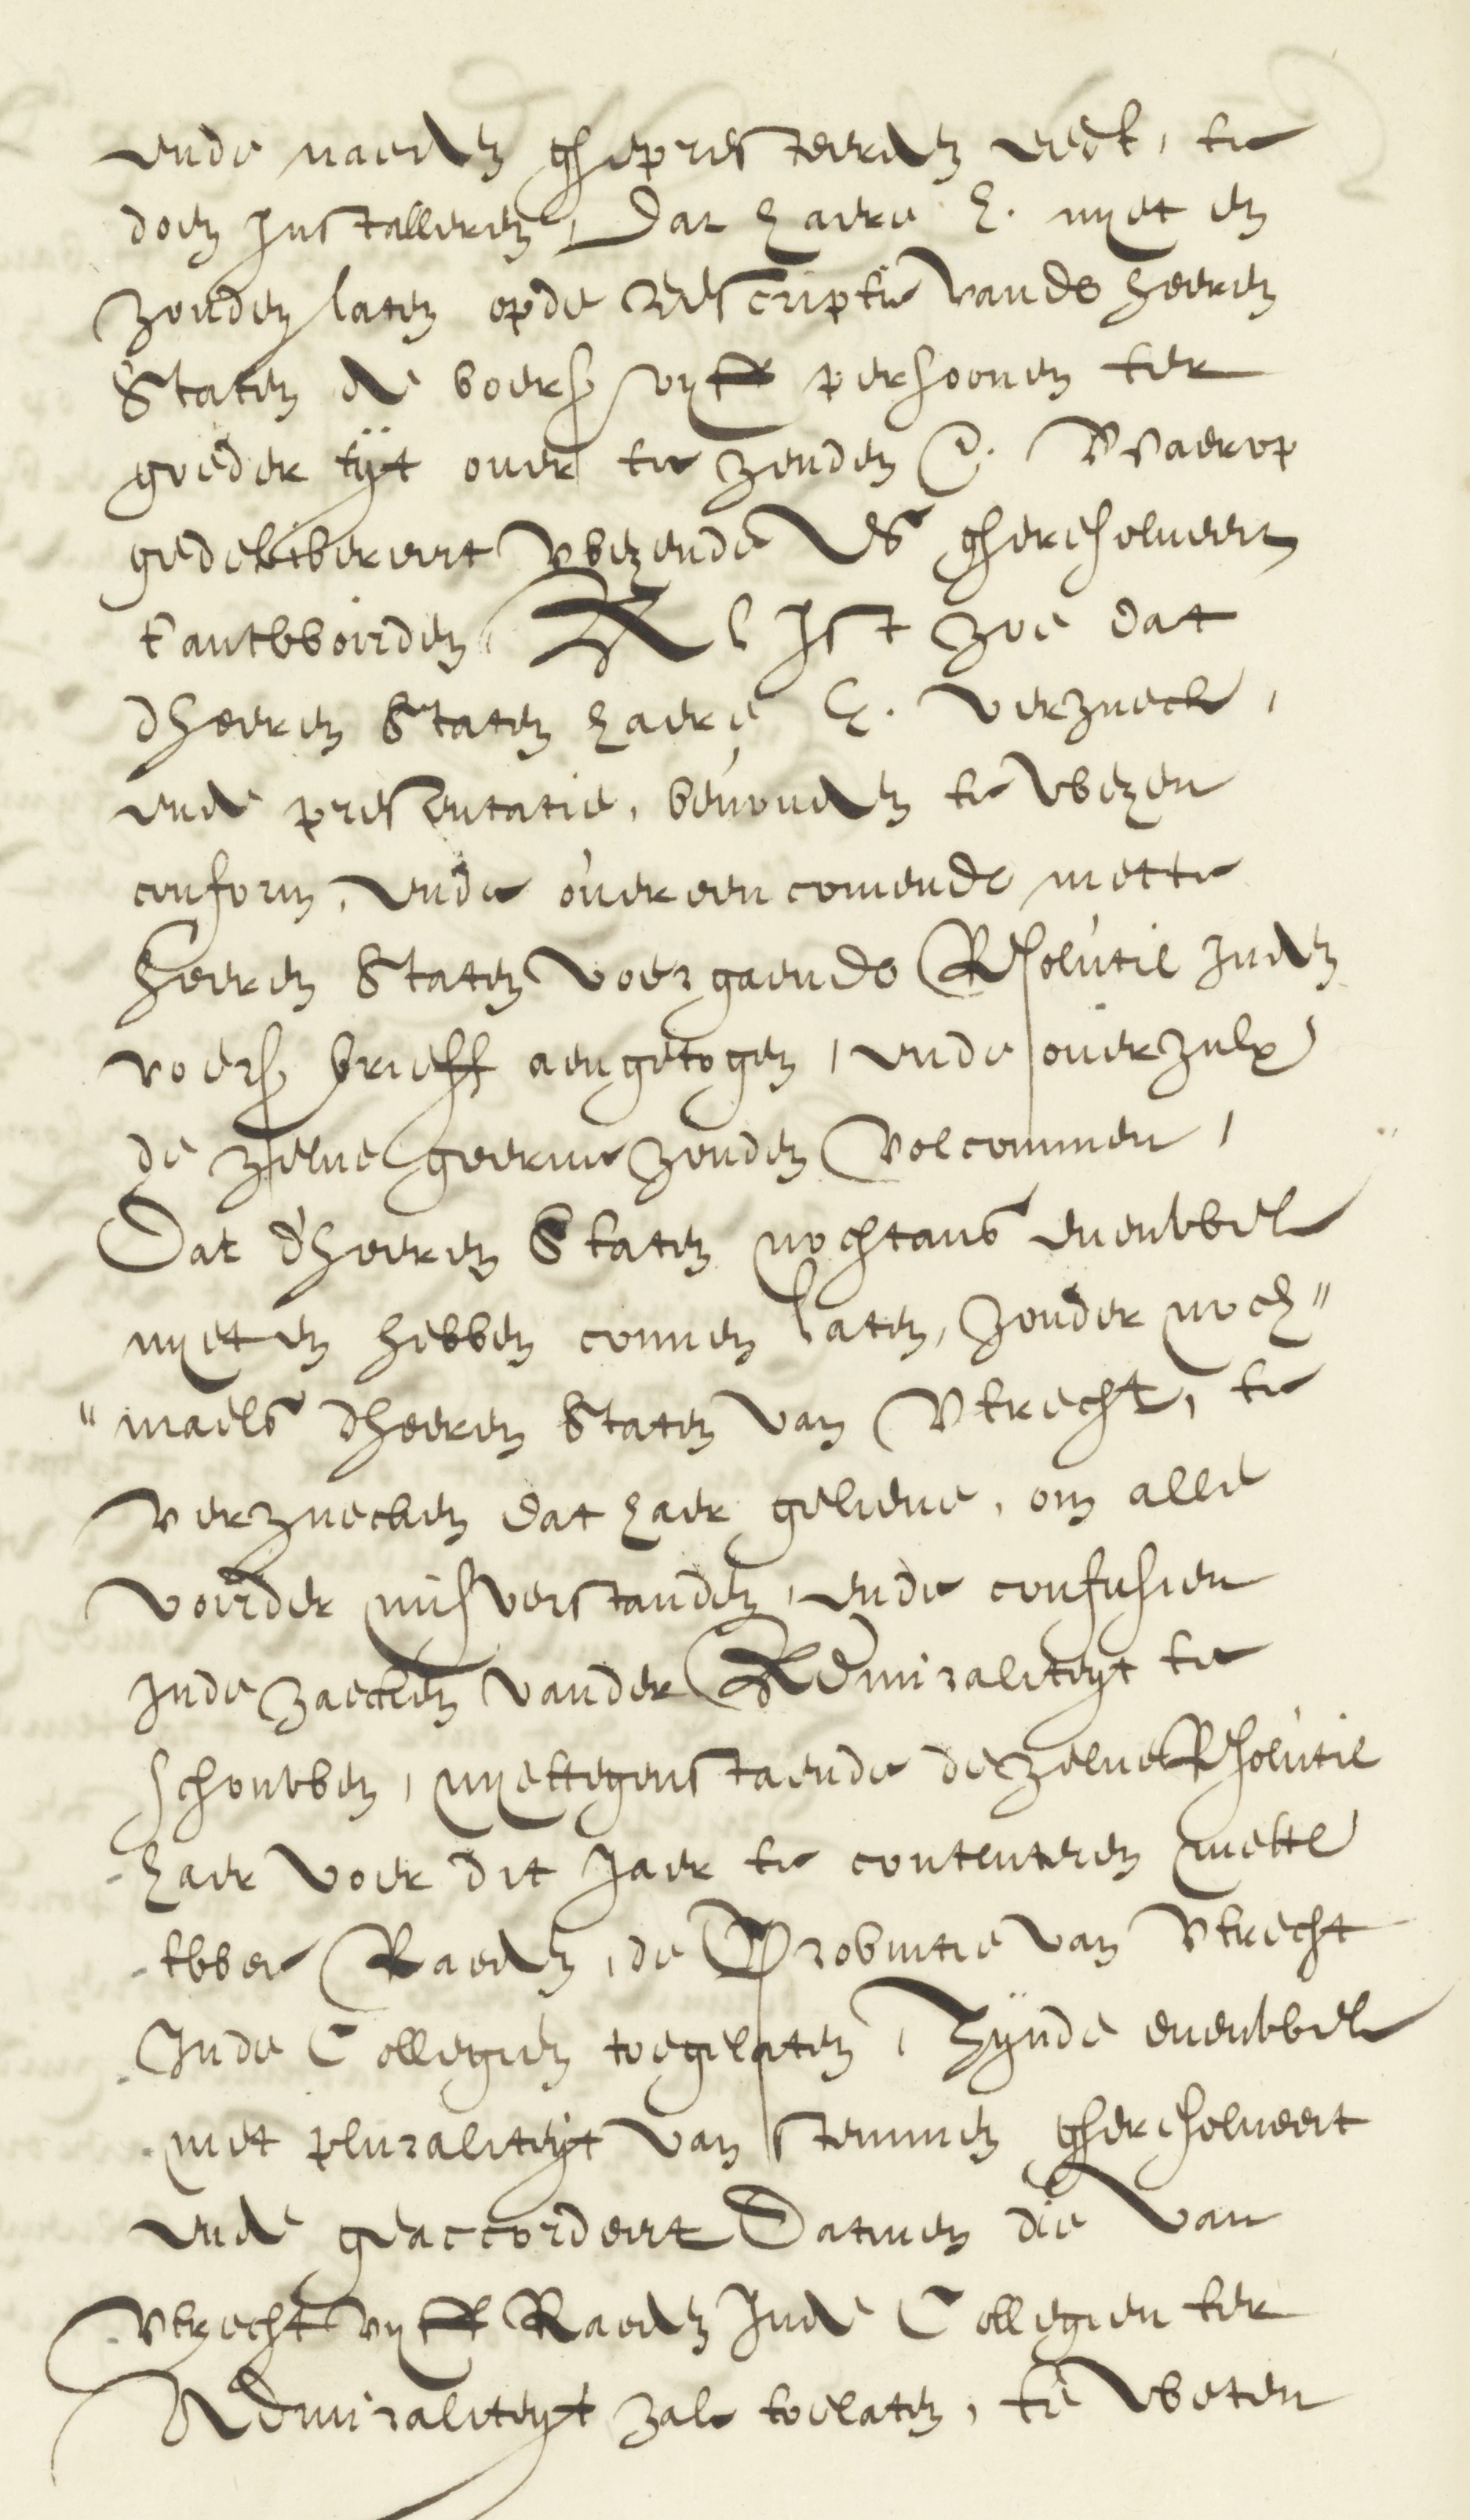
ende naerden ghepresteerden eedt, te
doen installeren, daer haere E. nyet en
zouden laten opde rescriptie vande heeren
Staten de voors vyf persoonen ter
goeder tijt ouer te zenden C. Waerop
gedelibereert wezende es gheresolueert
t'antwoirden: Al ist zoe dat
dheeren Staten haere E. verzueck,
ende presentatie, beuonden te wezen
conform, ende ouer een comende mette
heeren Staten voergaende Resolutie inden
voors brieff aengetogen, ende ouerzulx
de zelve geerne zouden volcommen,
Dat d'heeren Staten nochtans euenwel
nyet en hebben connen laten, zonder noch„
maels dheeren Staten van Utrecht, te
verzuecken dat haer gelieue om alle
voirder misverstanden ende confusien
inde zaecken van der Admiraliteyt te
schouwen, nyettegenstaende derzelue Resolutie
haer voer dit Jaer te contenteren mette
twee Raeden, de Provintie van Utrecht
inde Collegien toegelaten, Zijnde euenwel
met pluraliteijt van stemmen geresolueert
ende geaccordeert Datmen die van
Utrecht vyff Raeden inde Collegien ter
Admiraliteyt zal toelaten, te weten
